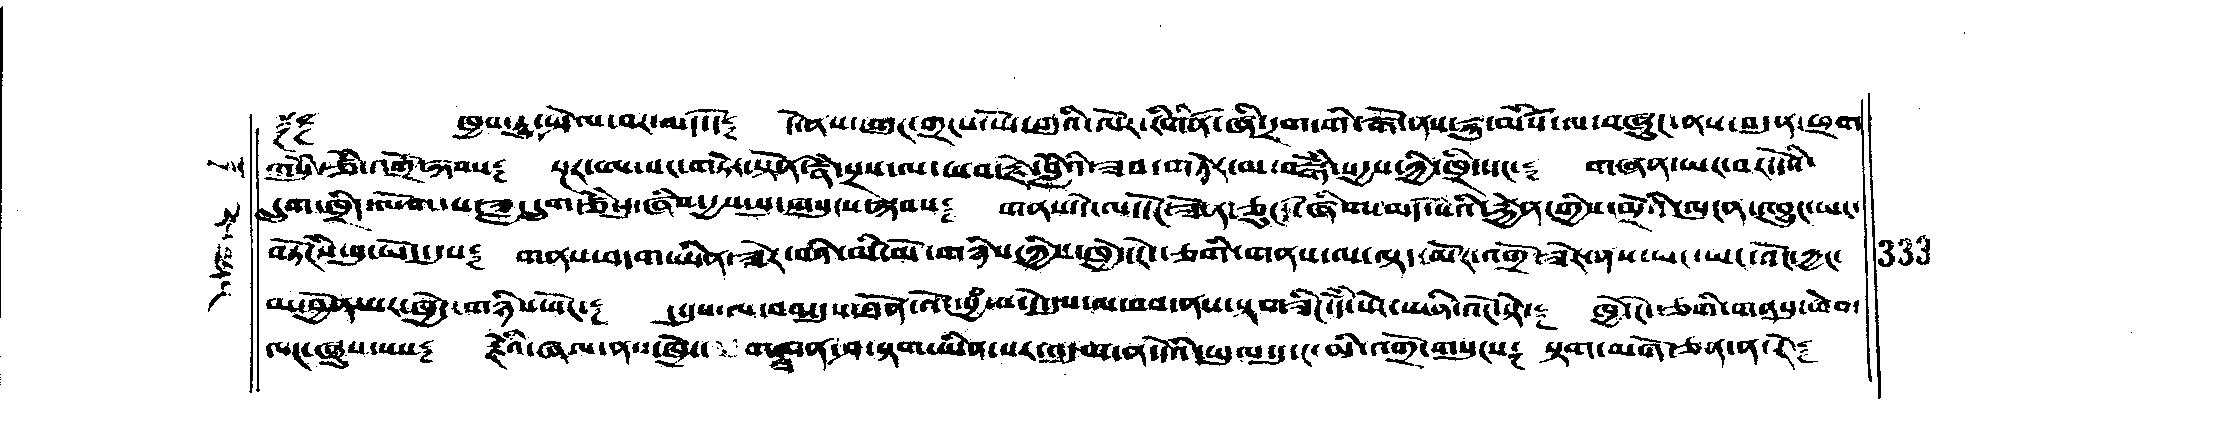ཁྱབ་ཏུ་སྤེལ་བར་མཛད་དོ། དེ་ནས་དགུང་གྲངས་སོ་དགུའི་ལོར་རིག་འཛིན་ཞི་དྲག་གི་སྒོ་ནས་སྐུ་མཚམས་ལ་བཞུགས་ནས་བདུན་ཕྲག་
གསུམ་ཙམ་འགྲོ་སྐབས། སྔར་ཨ་སང་གཏེར་སྟོན་རྣམ་སྲས་ལ་ཡབ་རྗེ་བླ་མའི་ཟབ་གཏེར་མ་བསྒོམ་སངས་རྒྱས་ཀྱི་ཁྲིད་དང་། གཞན་ཡང་བར་དོ་
དྲུག་ཁྲིད་ལ་སོགས་པ་ཟླ་དྲུག་ཙམ་དུ་ཞིབ་རྒྱས་སུ་གསུངས་སྐབས། གནས་དེ་ལ་དང་པོ་ཟོན་ཅུང་ཟད་ཞིག་མཛད་པའི་རྐྱེན་གྱིས་མཁའ་འགྲོའི་ལུང་བསྟན་འབྱུང་ཡང་
བཏང་སྙོམས་སུ་ཡོད་དུས། གནས་བདག་ཡིན་ཟེར་བའི་མི་མོ་གཉིས་ཀྱིས་ཁྱེད་ངེད་ཅག་གི་གནས་ལ་ལྟད་མོར་འགྲོ་ཟེར་ནས་ཡང་ཡང་འོང་ཀྱང་
མ་བྱོན་པར་ཁྱེད་གཉིས་སོང་། ང་དུས་ལ་བབ་དུས་ཐོན་འོང་གསུངས་པ་དེ་དུས་ལ་བབ་ནས་སྟག་གཟིག་དོམ་སེང་མང་པོ་འོང་སྟེ། ཁྱེད་ངེད་ཅག་གི་གནས་སུ་ཕེབས་
ལགས་ཞུས་པས། རྗེའི་ཞལ་ནས་ཁྱེད་གཅན་ཟན་ཤ་སྟག་ཡིན་པར་འདུག་ན་དེའི་ཡུལ་དུ་ང་མི་འགྲོ་གསུངས། སྟག་མགོ་ཅན་ན་རེ།